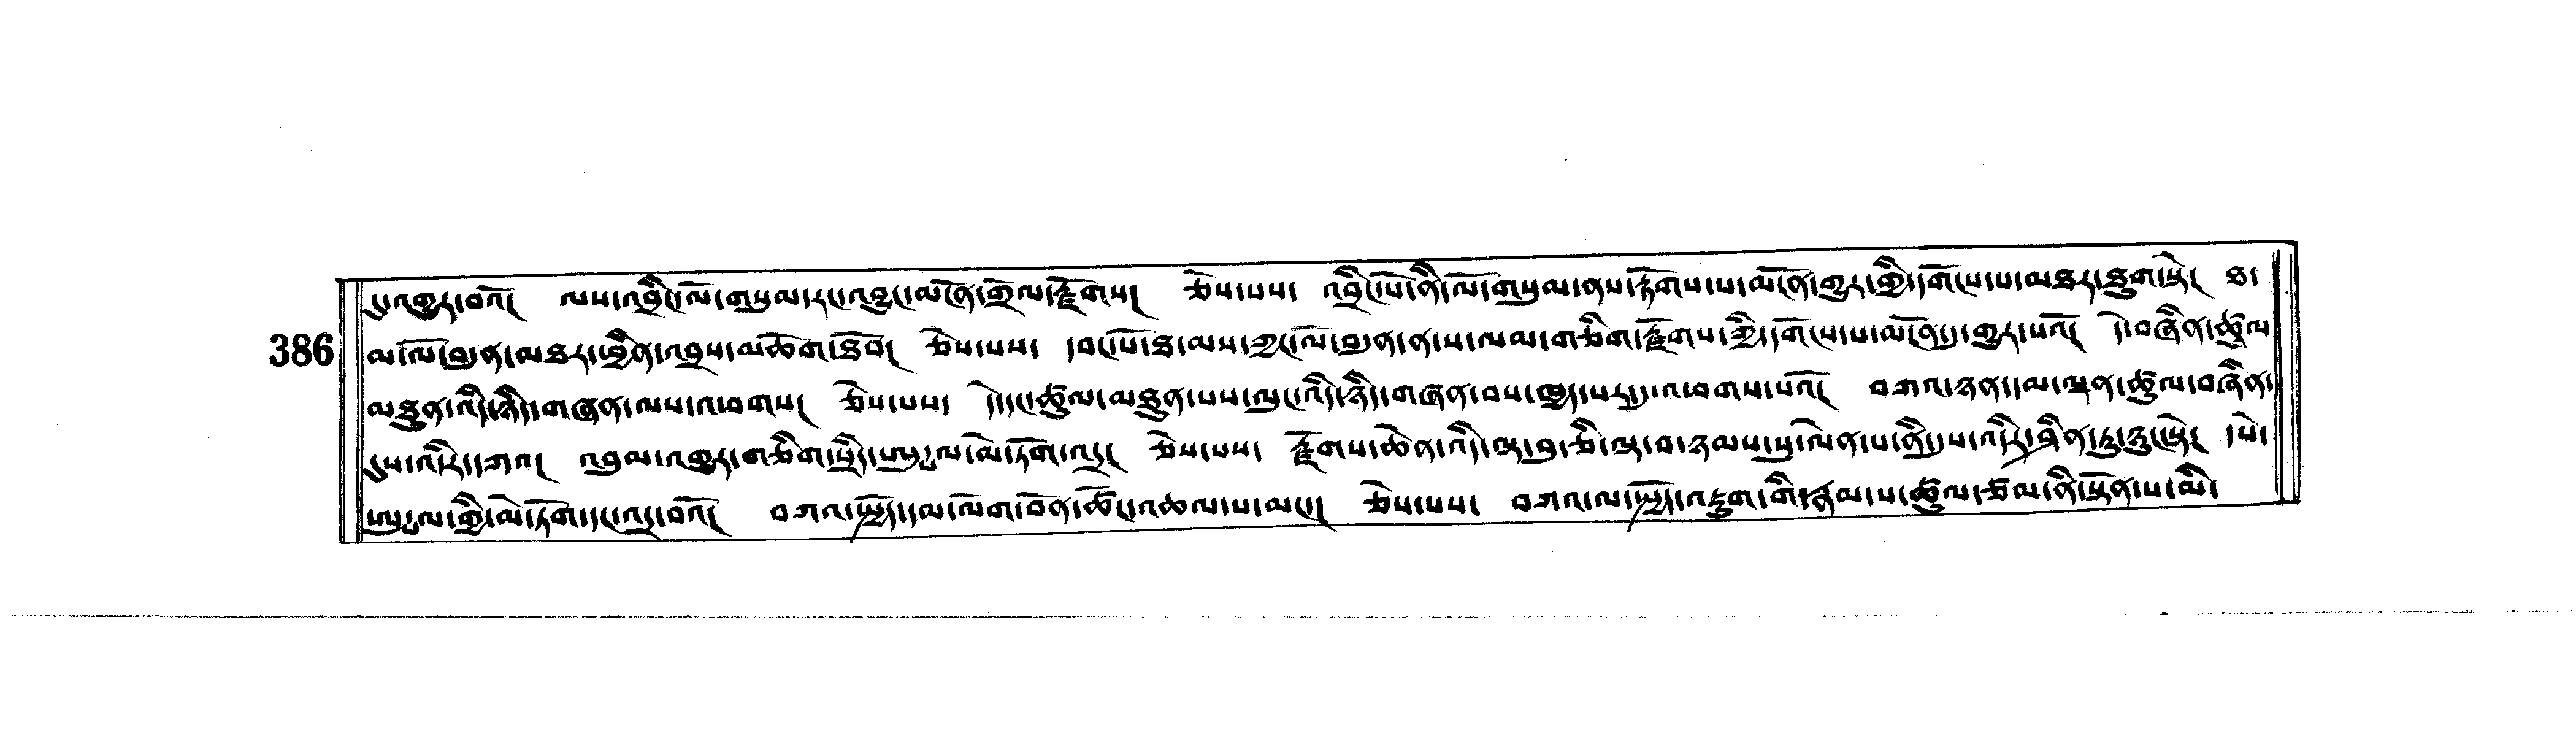དུ་འགྱུར་བའོ། ལས་འབྲིང་ལོ་གསུམ་རང་འབྱུང་མངོན་གྲོལ་རྫོགས། ཅེས་པས། འབྲིང་པོ་ནི་ལོ་གསུམ་གྱིས་རྟོགས་པ་མངོན་གྱུར་གྱི་དགོངས་པ་མཐར་ཐུག་སྟེ། ཐ་
མ་ལོ་བདུན་མཐར་ཕྱིན་འབྲས་མཆོག་ཐོབ། ཅེས་པས། དབང་པོ་ཐ་མས་ཀྱང་ལོ་བདུན་ནས་ས་ལམ་གཅིག་རྫོགས་ཀྱི་དགོངས་པ་མངོན་དུ་གྱུར་པའོ། དེ་བཞིན་ཚུལ་
མཐུན་འདི་ཉིད་གཞན་ལས་འཕགས། ཅེས་པས། དེ་དང་ཚུལ་མཐུན་པས་ལུང་འདི་ཉིད་གཞན་བས་ཁྱད་པར་དུ་འཕགས་པའོ། བཀའ་ཉན་དམ་ལྡན་ཚུལ་བཞིན་
དུས་འདིར་དཀའ། འབུམ་འགྱུར་གཅིག་སྲིད་ཨུཏྤལ་མེ་ཏོག་འདྲ། ཅེས་པས། རྫོགས་ཆེན་འདི་ལྟ་བུ་ཅི་ལྟ་བ་ཉམས་སུ་ལེན་པ་ནི་དུས་འདིར་ཤིན་ཏུ་ཉུང་སྟེ། དཔེ་
ཨུཏྤལ་གྱི་མེ་ཏོག་དང་འདྲ་བའོ། བཀའ་སྤྱོད་དམ་ལོག་བོན་ཚོང་འཆལ་པ་མང་། ཅེས་པས། བཀའ་ལ་སྤྱོད་འཇུག་གི་རྣམ་པ་ཚུལ་ཙམ་ནི་སྟོན་པ་མི་